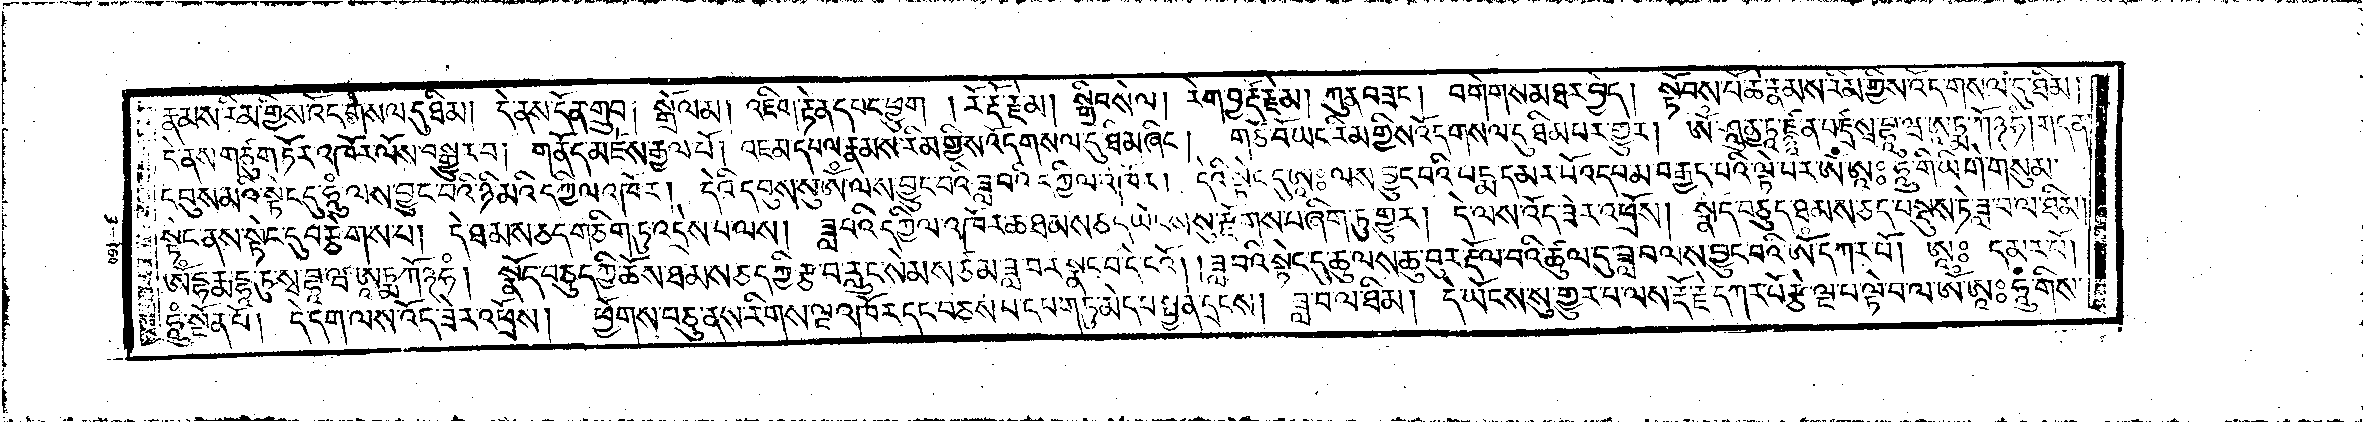རྣམས་རིམ་གྱིས་འོད་གསལ་དུ་ཐིམ། དེ་ནས་དོན་གྲུབ། སྒྲོལ་མ། འཇིག་རྟེན་དབང་ཕྱུག །རོ་རྡོ་རྗེ་མ། སྒྲིབ་སེལ། རེག་བྱ་རྡོ་རྗེ་མ། ཀུན་བཟང་། བགེགས་མཐར་བྱེད། སྟོབས་པོ་ཆེ་རྣམས་རིམ་གྱིས་འོད་གསལ་དུ་ཐིམ།
དེ་ནས་གཙུག་ཏོར་འཁོར་ལོས་བསྒྱུར་བ། གནོད་མཛེས་རྒྱལ་པོ། འཇམ་དཔལ་རྣམས་རིམ་གྱིས་འོད་གསལ་དུ་ཐིམ་ཞིང་། གཙོ་བོ་ཡང་རིམ་གྱིས་འོད་གསལ་དུ་ཐིམ་པར་གྱུར། ཨོཾ་ཤཱུཉ་ཏཱ་ཛྙཱ་ན་བཛྲ་སྭ་བྷའ་ཝ་ཨའྟྨ་ཀོཉ྄ཧཾ། གདན་
དབུས་མའི་སྟེང་དུ་ཧཱུཾ་ལས་བྱུང་བའི་ཉི་མའི་དཀྱིལ་འཁོར། དེའི་དབུས་སུ་ཨོཾ་ལས་བྱུང་བའི་ཟླ་བའི་དཀྱིལ་འཁོར། དེའི་སྟེང་དུ་ཨཱཿ ལས་བྱུང་བའི་པདམ་དམར་པོ་འདབ་མ་བརྒྱད་པའི་ལྟེ་བར་ཨོཾ་ཨཱཿ ཧཱུཾ་གི་ཡི་གེ་གསུམ་
སྟེང་ནས་སྟེང་དུ་བརྩེགས་པ། དེ་ཐམས་ཅད་གཅིག་ཏུ་འདྲེས་པ་ལས། ཟླ་བའི་དཀྱིལ་འཁོར་ཆ་ཐམས་ཅད་ཡོངས་སུ་རྫོགས་པ་ཞིག་ཏུ་གྱུར། དེ་ལས་འོད་ཟེར་འཕྲོས། སྣོད་བཅུད་ཐམས་ཅད་བསྡུས་ཏེ་ཟླ་བ་ལ་ཐིམ།
ཨོཾདྷརྨ་དྷཱ་ཏུ་སྭ་བྷཱ་ཝ་ཨཱཏྨ་ཀོཉྷཾ། སྣོད་བཅུད་ཀྱི་ཆོས་ཐམས་ཅད་ཀྱི་རྩ་བ་རླུང་སེམས་ཙམ་ཟླ་བར་སྣང་བ་དེ་བའོ། །ཟླ་བའི་སྟེང་དུ་ཆུ་ལས་ཆུ་བུར་རྡོལ་བའི་ཚུལ་དུ་ཟླ་བ་ལས་བྱུང་བའི་ཨོཾ་དཀར་པོ། ཨཱཿ དམར་པོ།
ཧཱུཾ་སྔོན་པོ། དེ་དག་ལས་འོད་ཟེར་འཕྲོས། ཕྱོགས་བཅུ་ནས་རིགས་ལྔ་འཁོར་དང་བཅས་པ་དཔག་ཏུ་མེད་པ་སྤྱན་དྲངས། ཟླ་བ་ལ་ཐིམ། དེ་ཡོངས་སུ་གྱུར་པ་ལས་རྡོ་རྗེ་དཀར་པོ་རྩེ་ལྔ་པ་ལྟེ་བ་ལ་ཨོཾ་ཨཱཿ ཧཱུཾ་གི་